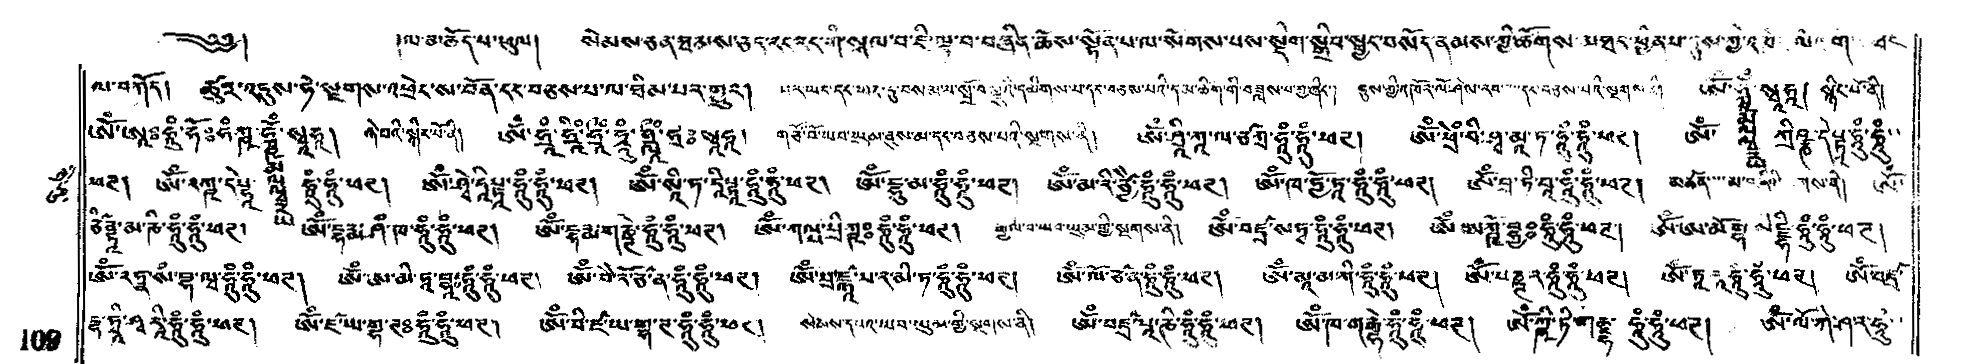༄༅། །ལ་མཆོད་པ་ཕུལ། སེམས་ཅན་ཐམས་ཅད་རང་རང་གི་སྐལ་བ་ཇི་ལྟ་བ་བཞིན་ཆོས་སྟོན་པ་ལ་སོགས་པས་སྡིག་སྒྲིབ་སྦྱང་བསོད་ནམས་ཀྱི་ཚོགས་མཐར་ཕྱིན་པ་དུས་ཀྱི་འཁོར་ལོའི་གོ་འཕང་
ལ་བཀོད། ཚུར་འདུས་ཏེ་སྔགས་འཕྲེང་ས་བོན་དང་བཅས་པ་ལ་ཐིམ་པར་གྱུར། པར་ཡང་དང་ཡང་དུ་བསམ་པ་སྤྲོ་བསྡུའི་དམིགས་པ་དང་བཅས་པའི་དམ་ཚིག་གི་བཟླས་པ་བྱ་ཞིང་། དུས་ཀྱི་འཁོར་ལོ་ཤེས་རབ་དང་བཅས་པའི་སྔགས་ནི།  ཨོཾ་ཧྐྵྨླྭྲྱོཾ་སྭཱ་ཧཱ། སྙིང་པོ་ནི།
ཨོཾ་ཨཱཿ ཧཱུཾ་ཧོཿ ཧཾཀྵ་ཧྐྵྨླྭྲྱོཾ་སྭཱ་ཧཱ། ཉེ་བའི་སྙིང་པོ་ནི།  ཨོཾ་ཧྲཱཾ་ཧྲཱིཾ་ཧྲཱྀཾ་ཧྲཱུཾ་ཧྲླཱྀཾ་ཧྲཿ སྭཱ་ཧཱ། གཙོ་བོ་ཡབ་ཡུམ་ནུས་མ་དང་བཅས་པའི་སྔགས་ནི།  ཨོཾ་ཤྲཱི་ཀཱ་ལ་ཙཀྲ་ཧཱུཾ་ཧཱུཾ་ཕཊ། ཨོཾ་ཕྲེཾ་བི་ཤྭ་མཱ་ཏ་ཧཱུཾ་ཧཱུཾ་ཕཊ། ཨོཾ་ཀྲིཥྞ་དེཔྟཱ་ཧཱུཾ་ཧཱུཾ་
ཕཊ། ཨོཾ་རཀྵ་དེཔྟཱ་ཧཱུཾ་ཧཱུཾ་ཕཊ། ཨོཾ་ཤྭེ་དཱིཔྟཱ་ཧཱུཾ་ཧཱུཾ་ཕཊ། ཨོཾ་སཱི་ཏ་དཱིཔྟཱ་ཧཱུཾ་ཧཱུཾ་ཕཊ། ཨོཾ་དྷུ་མ་ཧཱུཾ་ཧཱུཾ་ཕཊ། ཨོཾ་མ་རི་ཙྱཻ་ཧཱུཾ་ཧཱུཾ་ཕཊ། ཨོཾ་ཁ་ཏྱོ་ཏཱ་ཧཱུཾ་ཧཱུཾ་ཕཊ། ཨོཾ་བྲ་ཏི་བཱ་ཧཱུཾ་ཧཱུཾ་ཕཊ། མཚན་མ་བཞིའི་སྔགས་ནི།  ཨོཾ་
ཙིནྟཱ་མ་ཎི་ཧཱུཾ་ཧཱུཾ་ཕཊ། ཨོཾ་དྷརྨ་ཤཾ་ཁ་ཧཱུཾ་ཧཱུཾ་ཕཊ། ཨོཾ་དྷརྨ་གཎྜེ་ཧཱུཾ་ཧཱུཾ་ཕཊ། ཨོཾ་ཀལྤ་པྲིཀྵཿ ཧཱུཾ་ཧཱུཾ་ཕཊ། རྒྱལ་བ་ཡབ་ཡུམ་གྱི་སྔགས་ནི།  ཨོཾ་བཛྲ་སཏྭ་ཧཱུཾ་ཧཱུཾ་ཕཊ། ཨོཾ་ཨཀྵོ་བྷྱཿ ཧཱུཾ་ཧཱུཾ་ཕཊ། ཨོཾ་ཨ་མོ་གྷ་སིདྡྷི་ཧཱུཾ་ཧཱུཾ་ཕཊ།
ཨོཾ་རཏྣ་སཾ་བྷ་ཝ་ཧཱུཾ་ཧཱུཾ་ཕཊ། ཨོཾ་ཨ་མི་ཏཱ་བྷཱཿ ཧཱུཾ་ཧཱུཾ་ཕཊ། ཨོཾ་བཻ་རོ་ཙ་ན་ཧཱུཾ་ཧཱུཾ་ཕཊ། ཨོཾ་པྲ་ཛྙཱ་པ་ར་མི་ཏ་ཧཱུཾ་ཧཱུཾ་ཕཊ། ཨོཾ་ལོ་ཙ་ན་ཧཱུཾ་ཧཱུཾ་ཕཊ། ཨོཾ་མཱ་མ་ཀི་ཧཱུཾ་ཧཱུཾ་ཕཊ། ཨོཾ་པཎྜ་ར་ཧཱུཾ་ཧཱུཾ་ཕཊ། ཨོཾ་ཏཱ་རཱ་ཧཱུཾ་ཧཱུཾ་ཕཊ། ཨོཾ་བཛྲ་
དྷ་ཏྲཱི་ཤྭ་རཱི་ཧཱུཾ་ཧཱུཾ་ཕཊ། ཨོཾ་ཛ་ཡ་གྷ་ཊཿ ཧཱུཾ་ཧཱུཾ་ཕཊ། ཨོཾ་བི་ཛ་ཡ་གྷ་ཊ་ཧཱུཾ་ཧཱུཾ་ཕཊ། སེམས་དཔའ་ཡབ་ཡུམ་གྱི་སྔགས་ནི།  ཨོཾ་བཛྲ་ལཱ་ཎི་ཧཱུཾ་ཧཱུཾ་ཕཊ། ཨོཾ་ཁ་གརྒྷེ་ཧཱུཾ་ཧཱུཾ་ཕཊ། ཨོཾ་ཀྵི་ཏི་གནྡྷ་ཧཱུཾ་ཧཱུཾ་ཕཊ། ཨོཾ་ལོ་ཀེ་ཤ་ར་ཧཱུཾ་